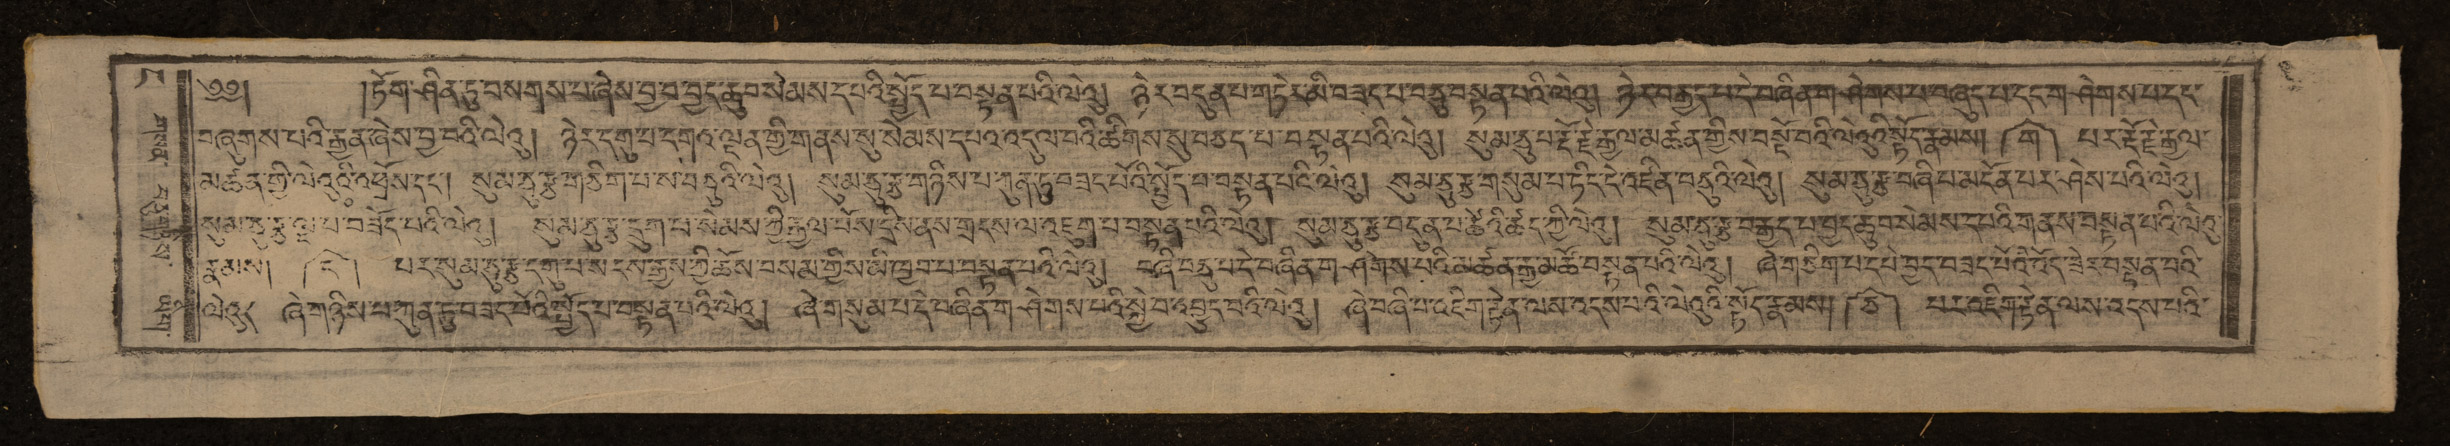༄༅། །ཏོག་ཤིན་ཏུ་བསགས་པ་ཞེས་བྱ་བ་བྱང་ཆུབ་སེམས་དཔའི་སྦྱོད་པ་བསྟན་པའི་ལེའུ། ཉེར་བདུན་པ་གཏེར་མི་བཟང་བ་བཅུ་བསྟན་པའི་ལེའུ། ཉེར་བརྒྱད་པ་དེ་བཞིན་གཤེགས་པ་བཞུད་པ་དང་གཤེགས་པ་དང་
བཞུགས་པའི་རྒྱན་ཞེས་བྱ་བའི་ལེའུ། ཉེར་དགུ་པ་དགའ་ལྡན་གྱི་གནས་སུ་སེམས་དཔའ་འདུལ་བའི་ཚིགས་སུ་བཅད་པ་བསྟན་པའི་ལེའུ། སུམ་ཅུ་བ་རྡོ་རྗེ་རྒྱལ་མཚན་གྱིས་བསྔོ་བའི་ལེའུའི་སྟོབ་རྣམས། {ག}་པར་རྡོ་རྗེ་རྒྱལ་
མཚན་གྱི་ལེའུའི་འཕྲོས་དང་། སུམ་ཅུ་རྩ་གཅིག་པས་བཅུའི་ལེའུ། སུམ་ཅུ་རྩ་གཉིས་པ་ཀུན་ཏུ་བཟང་པོའི་སྦྱོད་པ་བསྟན་པའི་ལེའུ། སུམ་ཅུ་རྩ་གསུམ་པ་ཏིང་ངེ་འཛིན་བཅུའི་ལེའུ། སུམ་ཅུ་རྩ་བཞི་བ་མངོན་པར་ཤེས་པའི་ལེའུ།
སུམ་ཅུ་རྩ་ལྔ་བ་བཟོད་པའི་ལེའུ། སུམ་ཅུ་རྩ་དྲུག་པ་སེམས་ཀྱི་རྒྱལ་བོས་དྲིས་ནས་གྲངས་ལ་འཇུག་པ་བསྟན་པའི་ལེའུ། སུམ་ཅུ་རྩ་བདུན་པ་ཚེའི་ཚད་ཀྱི་ལེའུ། སུམ་ཅུ་རྩ་བརྒྱད་པ་བྱང་ཆུབ་སེམས་དཔའི་གནས་བསྟན་པའི་ལེའུ་
རྣམས། {ང}་པར་སུམ་ཅུ་རྩ་དགུ་བ་སངས་རྒྱས་ཀྱི་ཆོས་བསམ་གྱིས་མི་ཁྱབ་པ་བསྟན་པའི་ལེའུ། བཞི་བཅུ་བ་དེ་བཞིན་གཤེགས་པའི་མཚན་རྒྱ་མཚོ་བསྟན་པའི་ལེའུ། ཞེ་གཅིག་པ་དཔེ་བྱད་བཟང་བོའི་འོད་ཟེར་བསྟན་པའི་
ལེའུ། ཞེ་གཉིས་བཀུན་ཏུ་བཟང་པོའི་སྦྱོད་པ་བསྟན་པའི་ལེའུ། ཞེ་གསུམ་པ་དེ་བཞིན་གཤེགས་པའི་སྐྱེ་པ་འབྱུང་པའི་ལེའུ། ཞེ་བཞི་པ་འཇིག་རྟེན་ལས་འདས་པའི་ལེའུའི་སྟོད་རྣམས། {ཅ}་བར་འཇིག་རྟེན་ལས་འདས་པའི་